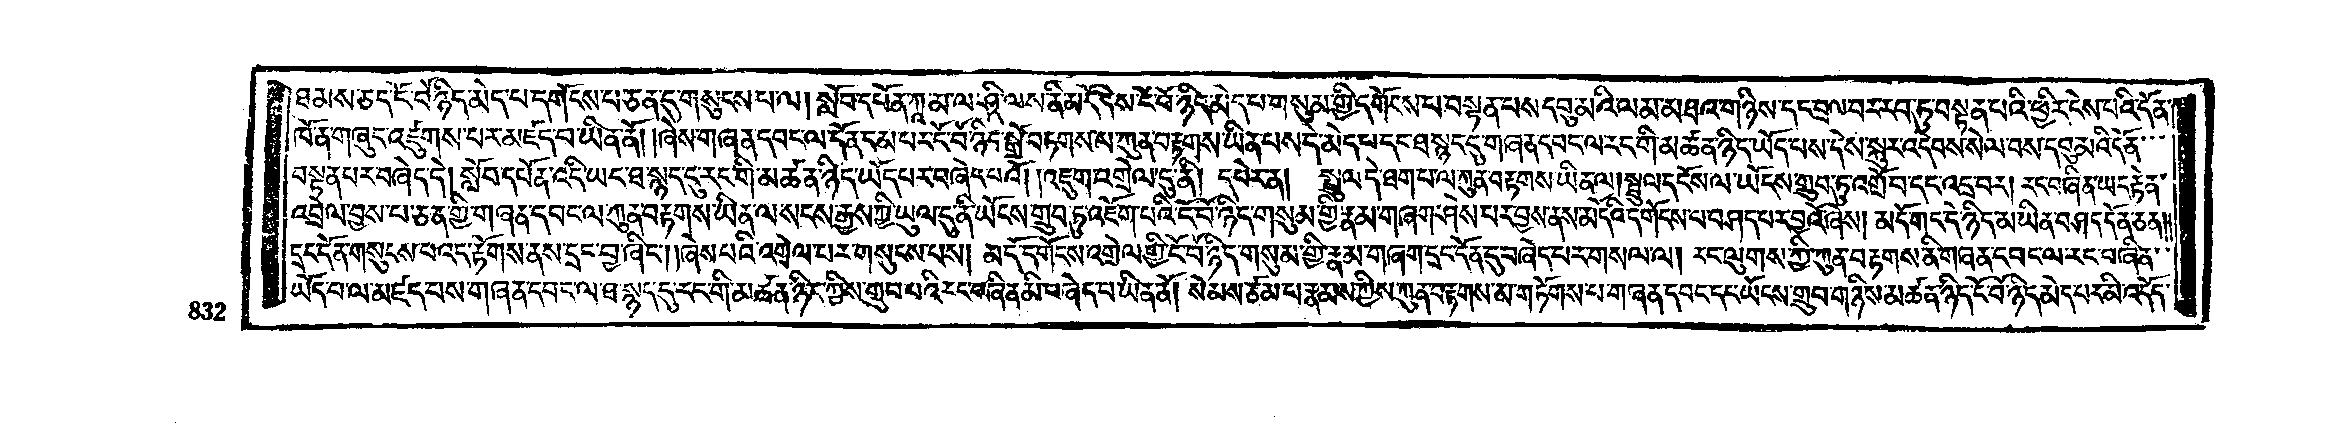ཐམས་ཅད་ངོ་བོ་ཉིད་མེད་པ་དགོངས་པ་ཅན་དུ་གསུངས་པ་ལ། སློབ་དཔོན་ཀཱ་མ་ལ་ཤཱི་ལས་ནི་མདོ་དེས་ངོ་བོ་ཉིད་མེད་པ་གསུམ་གྱི་དགོངས་པ་བསྟན་པས་དབུ་མའི་ལམ་མཐའ་གཉིས་དང་བྲལ་བ་རབ་ཏུ་བསྟན་པའི་ཕྱིར་ངེས་པའི་དོན་
ཁོ་ན་གཞུང་འཛུགས་པར་མཛད་པ་ཡིན་ནོ། །ཞེས་གཞན་དབང་ལ་དོན་དམ་པར་ངོ་བོ་ཉིད་སྒྲོ་བཏགས་པ་ཀུན་བརྟགས་ཡིན་པས་དེ་མེད་པ་དང་ཐ་སྙད་དུ་གཞན་དབང་ལ་རང་གི་མཚན་ཉིད་ཡོད་པས་དེས་སྐུར་འདེབས་སེལ་བས་དབུ་མའི་དོན་
བསྟན་པར་བཞེད་དེ། སློབ་དཔོན་འདི་ཡང་ཐ་སྙད་དུ་རང་གི་མཚན་ཉིད་ཡོད་པར་བཞེད་པའོ། །འཇུག་འགྲེལ་དུ་ནི། དཔེར་ན། སྦྲུལ་དེ་ཐག་པ་ལ་ཀུན་བརྟགས་ཡིན་ལ་སྦྲུལ་དངོས་ལ་ཡོངས་གྲུབ་ཏུ་འགྲོ་བ་དང་འདྲ་བར། རང་བཞིན་ཡང་རྟེན་
འབྲེལ་བྱས་པ་ཅན་གྱི་གཞན་དབང་ལ་ཀུན་བརྟགས་ཡིན་ལ་སངས་རྒྱས་ཀྱི་ཡུལ་དུ་ནི་ཡོངས་གྲུབ་ཏུ་འཇོག་པའི་ངོ་བོ་ཉིད་གསུམ་གྱི་རྣམ་གཞག་ཤེས་པར་བྱས་ནས་མདོའི་དགོངས་པ་བཤད་པར་བྱའོ་ཞེས། མདོ་གང་དེ་ཉིད་མ་ཡིན་བཤད་དོན་ཅན། །
དྲང་དོན་གསུངས་པའང་རྟོགས་ནས་དྲང་བྱ་ཞིང་། །ཞེས་པའི་འགྲེལ་པར་གསུངས་པས། མདོ་དགོངས་འགྲེལ་གྱི་ངོ་བོ་ཉིད་གསུམ་གྱི་རྣམ་གཞག་དྲང་དོན་དུ་བཞེད་པར་གསལ་ལ། རང་ལུགས་ཀྱི་ཀུན་བརྟགས་ནི་གཞན་དབང་ལ་རང་བཞིན་
ཡོད་པ་ལ་མཛད་པས་གཞན་དབང་ལ་ཐ་སྙད་དུ་རང་གི་མཚན་ཉིད་ཀྱིས་གྲུབ་པའི་རང་བཞིན་མི་བཞེད་པ་ཡིན་ནོ། །སེམས་ཙམ་པ་རྣམས་ཀྱིས་ཀུན་བརྟགས་མ་གཏོགས་པ་གཞན་དབང་དང་ཡོངས་གྲུབ་གཉིས་མཚན་ཉིད་ངོ་བོ་ཉིད་མེད་པར་མི་འདོད་